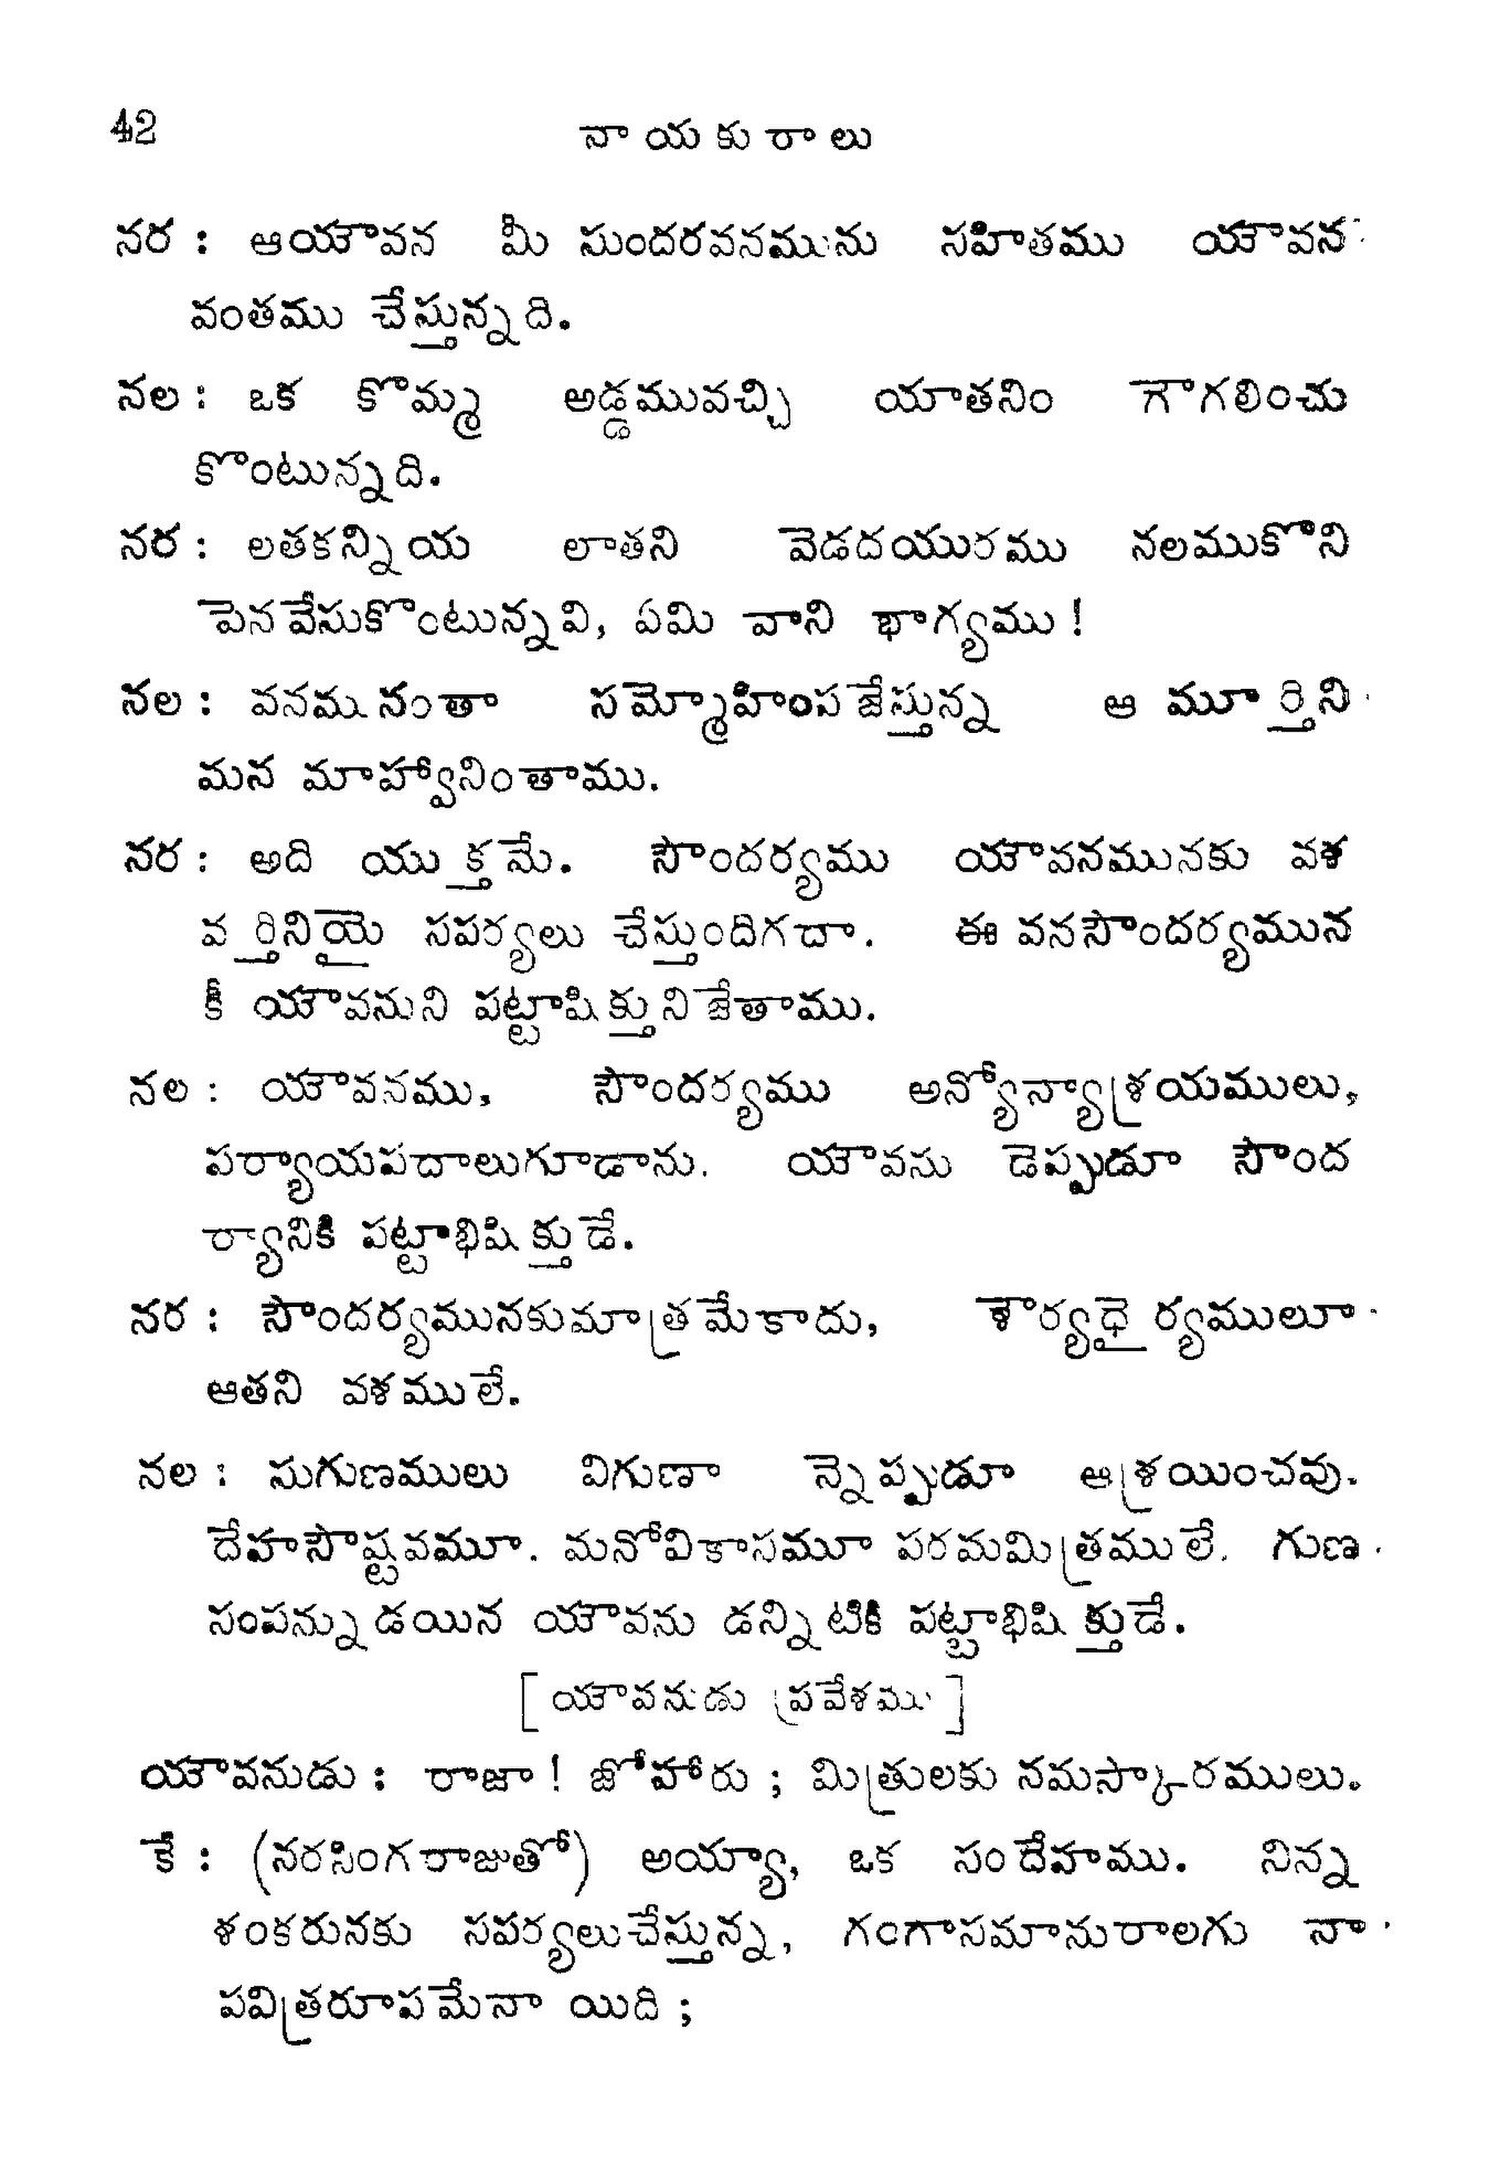నర : ఆయౌవన మీ సుందరవనమును సహితము యౌవన వంతము చేస్తున్నది.

నల : ఒక కొమ్మ అడ్డమువచ్చి యాతనిం గౌగలించు కొంటున్నది.

నర : లతకన్నియ లాతని వెడదయురము నలముకొని పెనవేసుకొంటున్నవి, ఏమి వాని భాగ్యము !

నల : వనమునంతా సమ్మోహింపజేస్తున్న ఆ మూర్తిని మన మాహ్వానింతాము.

నర : అది యుక్తమే. సౌందర్యము యౌవనమునకు వశవర్తినియై సపర్యలు చేస్తుందిగదా. ఈ వనసౌందర్యమున కీ యౌవనుని పట్టాషిక్తునిజేతాము.

నల : యౌవనము, సౌందర్యము అన్యోన్యాశ్రయములు, పర్యాయపదాలుగూడాను. యౌవను డెప్పుడూ సౌందర్యానికి పట్టాభిషిక్తుడే.

నర : సౌందర్యమునకుమాత్రమేకాదు, శౌర్యధైర్యములూ ఆతని వశములే.

నల : సుగుణములు విగుణా న్నెప్పుడూ ఆశ్రయించవు. దేహసౌష్టవమూ. మనోవికాసమూ పరమమిత్రములే. గుణసంపన్నుడయిన యౌవను డన్నిటికి పట్టాభిషిక్తుడే.

యౌవనుడు : రాజా ! జోహారు ; మిత్రులకు నమస్కారములు.

కే : (నరసింగరాజుతో) అయ్యా, ఒక సందేహము. నిన్న శంకరునకు సపర్యలుచేస్తున్న, గంగాసమానురాలగు పవిత్రరూపమేనా యిది ;